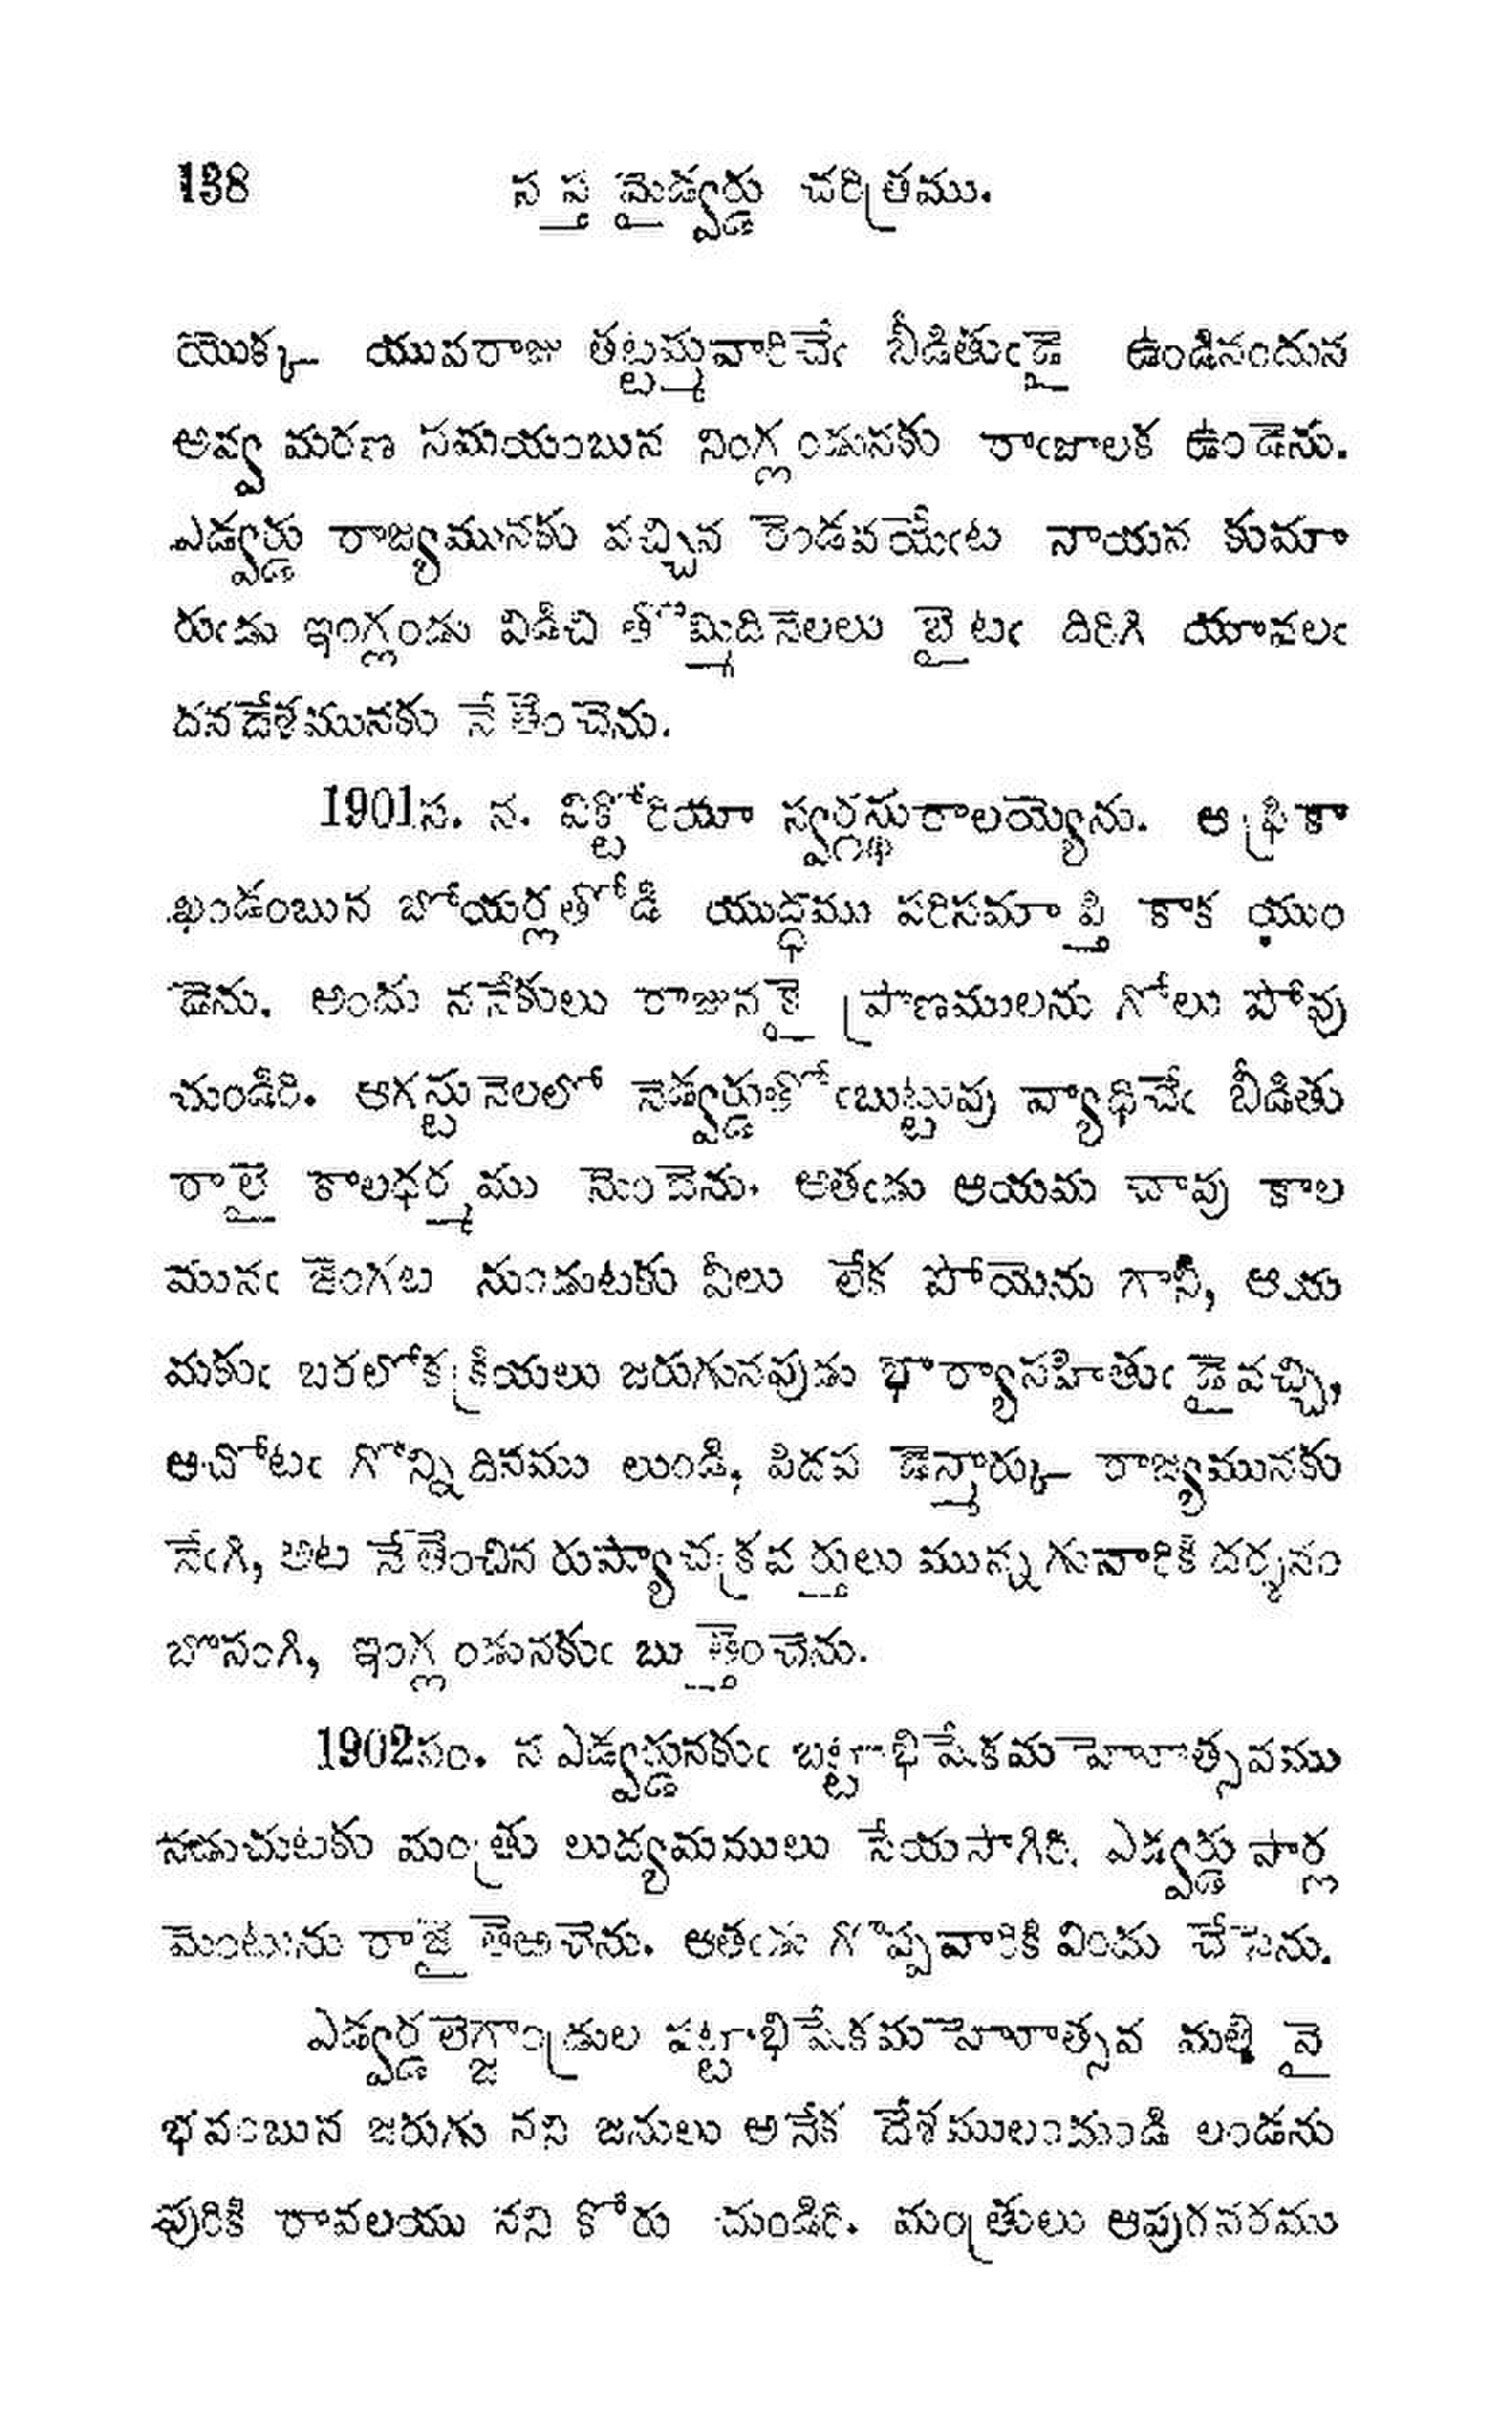యొక్క. యువరాజు తట్టమ్మవారిచేఁ బీడితుఁడై ఉండినందున
అవ్వ మరణ సమయంబున సింగ్లండునకు రాఁజాలక ఉండెను.
ఎడ్వర్డు రాజ్యమునకు వచ్చిన రెండవ యేఁట నాయన కుమా
రుఁడు ఇంగ్లండు విడిచి తమ్మిది నెలలు బైటఁ దిరిగి యావల
దనదేశమునకు నే తెంచెను.

1901స. న. విక్టోరియా స్వర్గస్థురాలయ్యెను. ఆప్రికా
ఖండంబున బోయర్ల తో డీ యుద్ధము పరిసమాప్తి "కాక యుం
డెను. అందు ననేకులు రాజునకై ప్రాణములను గోలు పోవు
చుండిరి. ఆగస్టు నెలలో నెడ్వెర్డుతో బుట్టువు వ్యాధిచేఁ బీడితు
రాలై కాలధర్మము మొదెను. అతఁడు ఆయమ చావు కాల
మునఁ జెంగట నుండుటకు వీలు లేక పోయెను గానీ, ఆయు
మకుఁ బరలోక క్రియలు జరుగునపుడు భార్యాసహితుఁ డై వచ్చి,
ఆచోటఁ గొన్ని దినము లుండి, పిదప డెనార్కు రాజ్యమునకు
నేఁగి, అట నేతెంచిన రుప్యా చక్రవర్తులు మున్నగు వారికి దర్శనం
బొసంగి, ఇంగ్లండునకుఁ బుత్తెంచెను.

1912సం. స ఎడ్వర్డునకుఁ బట్టాభిషేక మహోత్సవము
నడుచుటకు మంత్రు లుద్యమములు సేయసాగిరి. ఎడ్వర్డు పార్ల
మెంటును రాజై తెఱగెను. అతఁడు గొప్పవారికి విందు చేసెను.
ఎడ్వర్డ లెగ్జాండ్రుల పట్టాభి షేకమహోత్సవ మతి వై
భవంబున జరుగు నని జనులు అనేక దేశములుముడి లండను
పురికీ 'రావలయు నని కోరు చుండిరి. మంత్రులు ఆపురవరము